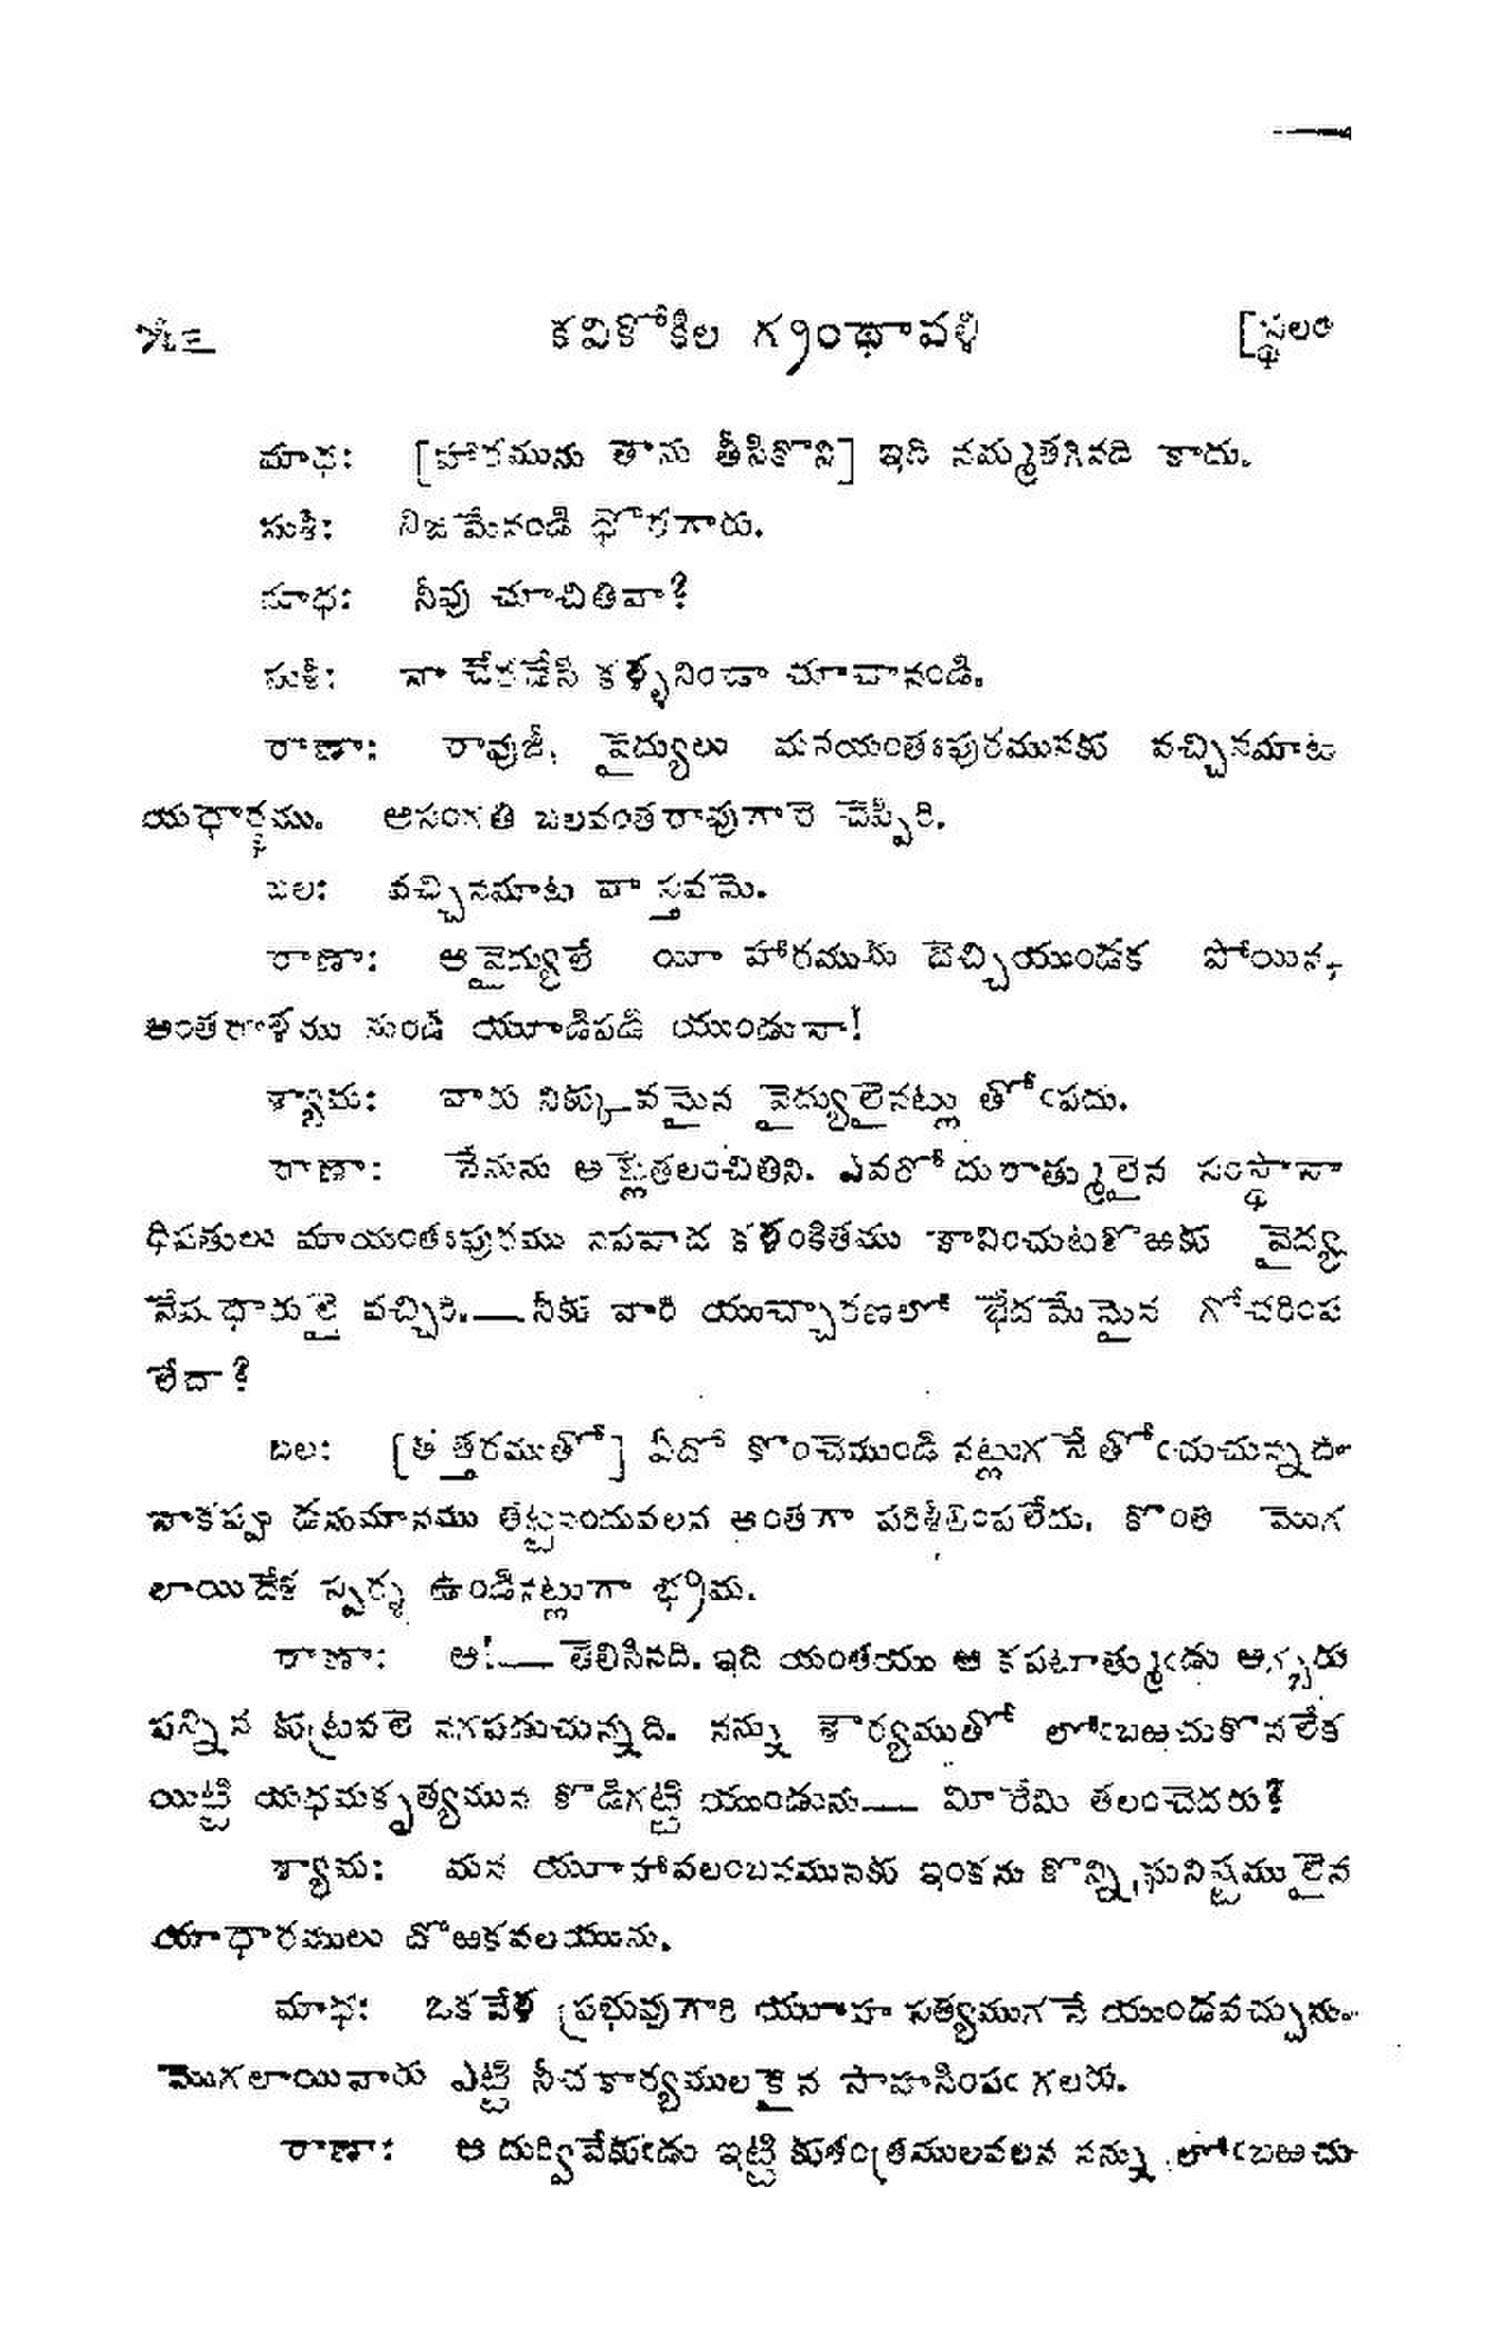మాధ : [హారమును తాను తీసికొని] ఇది నమ్మతగినది కాదు.

సుశీ : నిజమేనండి ధొరగారు.

మాధ : నీవు చూచితివా?

సుశీ : నా చేరడేసి కళ్ళనిండా చూచానండి.

రాణా : రావుజీ, వైద్యులు మనయంత:పురమునకు వచ్చినమాట యధార్థము. ఆసంగతి బలవంతరావుగారె చెప్పిరి.

బల : వచ్చినమాట వాస్తవమె.

రాణా : ఆవైద్యులే యీ హారమును దెచ్చియుండక పోయిన, అంతరాళము నుండి యూడిపడి యుండునా !

శ్యామ : వారు నిక్కువమైన వైద్యులైనట్లు తోఁపదు.

రాణా : నేనును అట్లెతలంచితిని. ఎవరో దురాత్ములైన సంస్థానాధిపతులు మాయంత:పురము నపవాద కళంకితము కావించుటకొఱకు వైద్యవేషధారులై వచ్చిరి, - నీకు వారి యుచ్చారణలో భేదమేమైన గోచరింప లేదా ?

బల : [తత్తరముతో] ఏదో కొంచెముండి నట్లుగనే తోఁచుచున్నది. నాకప్పు డనుమానము తట్టనందువలన అంతగా పరిశీలింపలేదు. కొంత మొగలాయిదేశ స్పర్శ ఉండినట్లుగా భ్రమ.

రాణా : ఆ1 - తెలిసినది. ఇది యంతయు ఆ కపటాత్ముఁడు అగ్బరు పన్నిన కుట్రవలె నగపడుచున్నది. నన్ను శౌర్యముతో లోఁబఱచుకొనలేక యిట్టి యధమకృత్యమున కొడిగట్టి యుండును - మీరేమి తలంచెదరు?

శ్యామ : మన యూహావలంబనమునకు ఇంకను కొన్ని, ఘనిష్టములైన యాధారములు దొఱకవలయును.

మాధ : ఒకవేళ ప్రభువుగారి యూహ సత్యముగనే యుండవచ్చును. మొగలాయివారు ఎట్టి నీచకార్యములకైన సాహసింపఁ గలరు.

రాణా : ఆ దుర్వివేకుఁడు ఇట్టి కుతంత్రములవలన నన్ను లోఁబఱచు